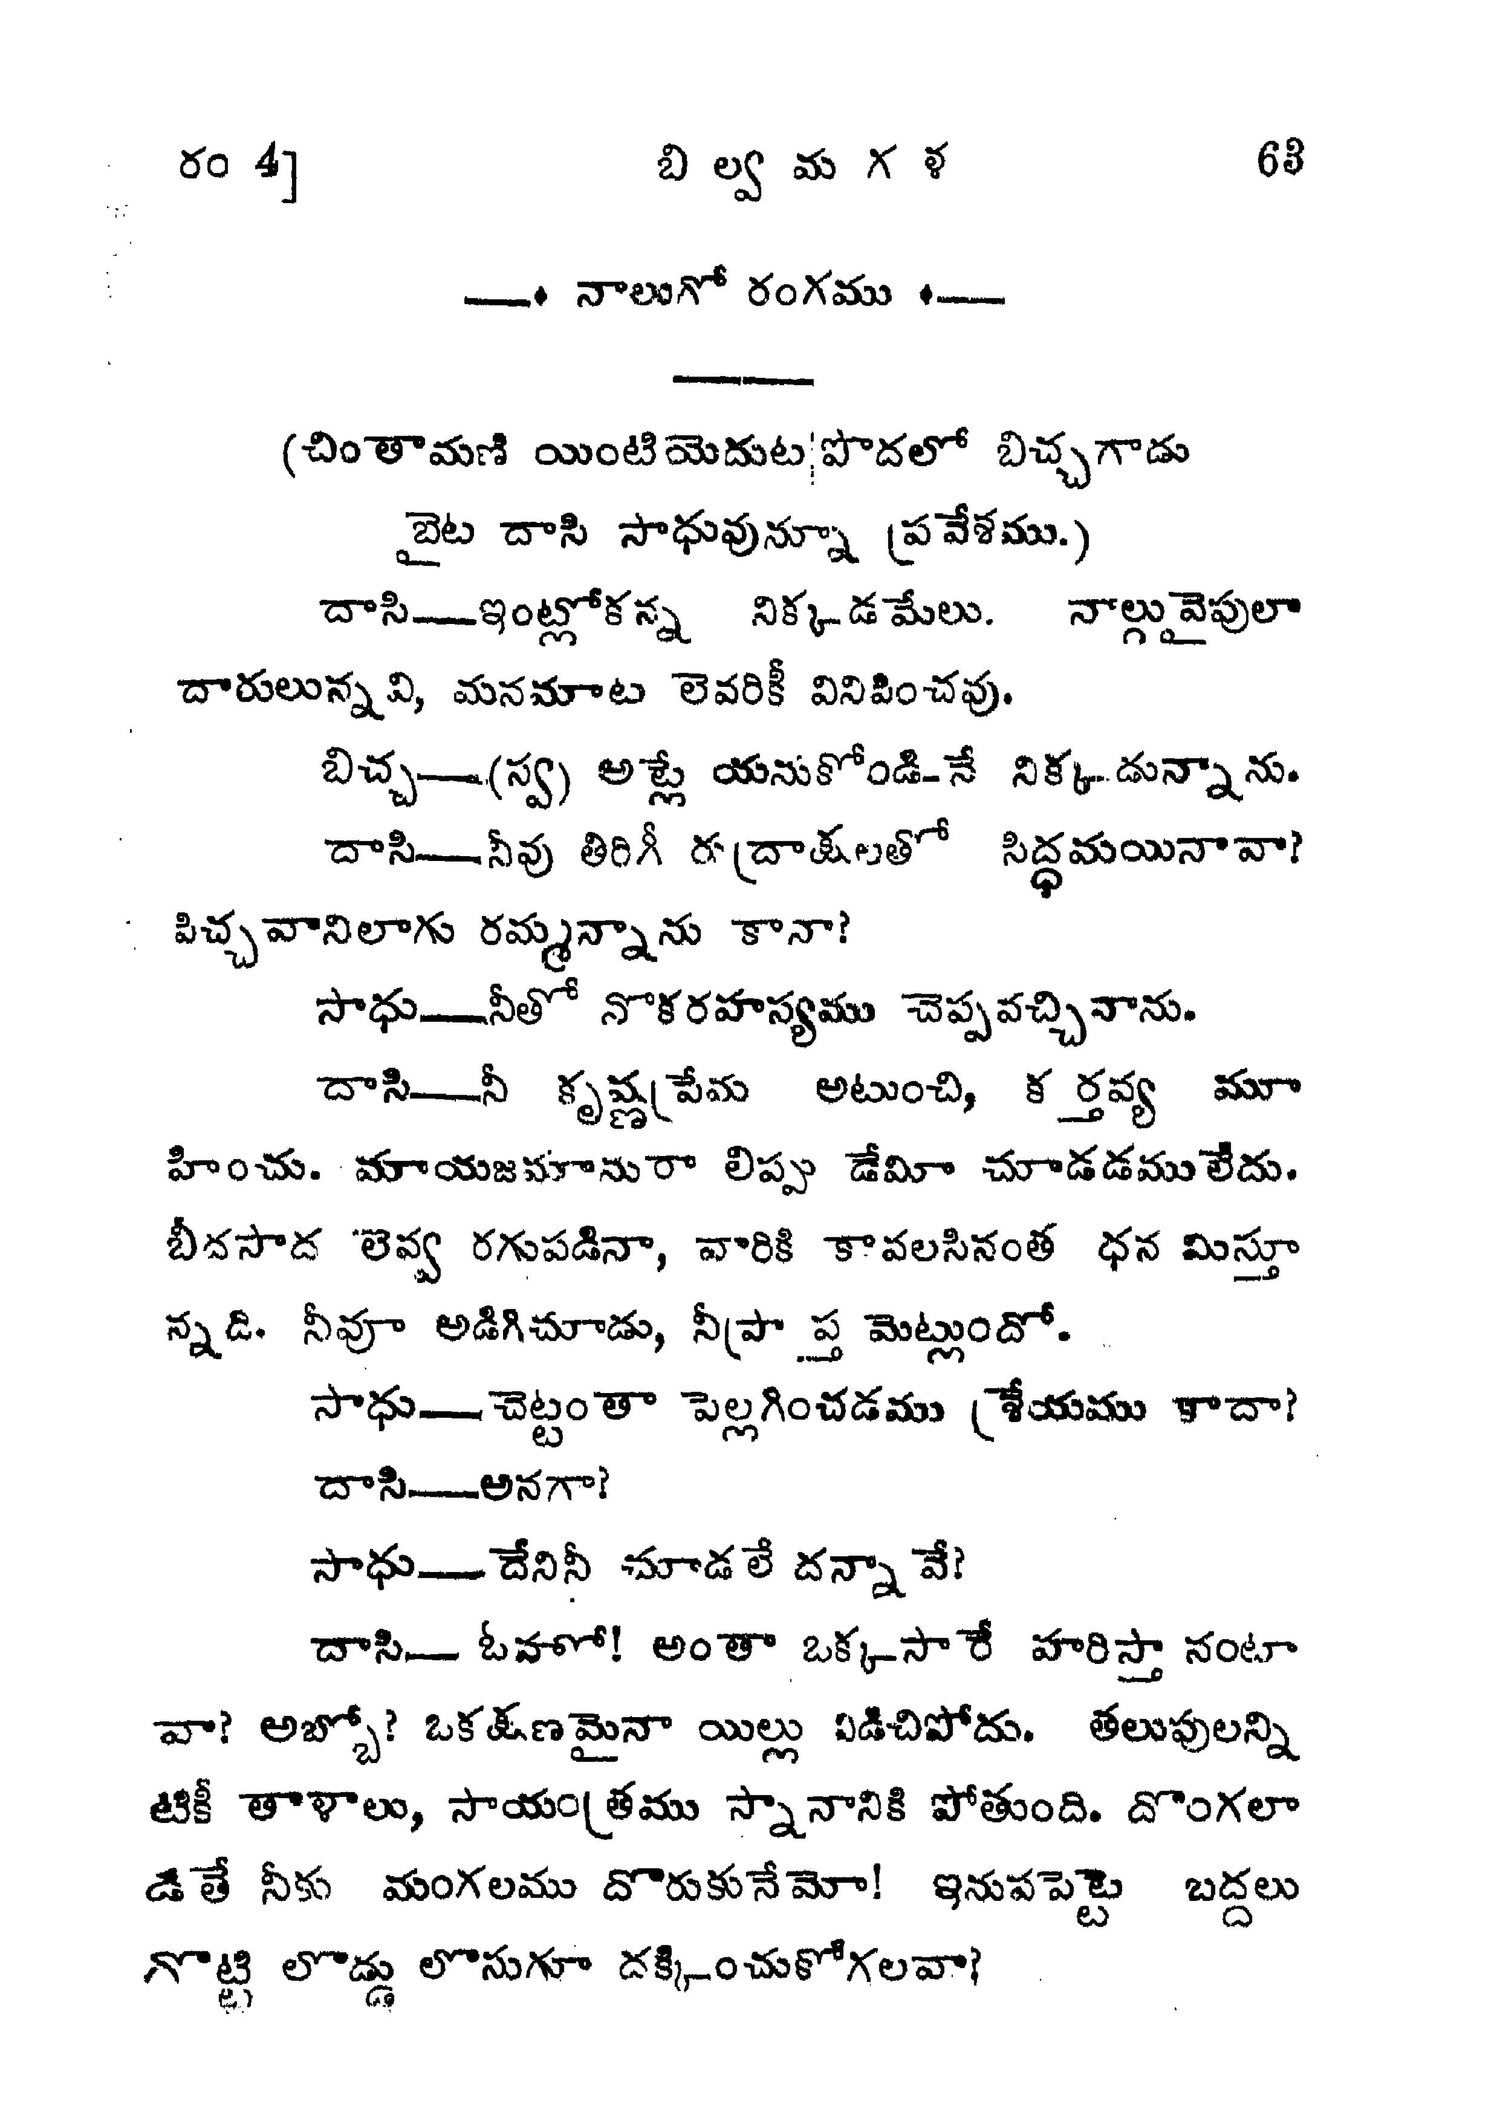దాసి - ఇంట్లోకన్న నిక్కడమేలు. నాల్గువైపులా దారులున్నవి, మనమాట లెవరికీ వినిపించవు.

బిచ్చ - (స్వ) అట్లే యనుకోండి- నే నిక్కడున్నాను.

దాసి - నీవు తిరిగీ రుద్రాక్షలతో సిద్ధమయినావా? పిచ్చవానిలాగు రమ్మన్నాను కానా?

సాధు - నీతో నొకరహస్యము చెప్పవచ్చినాను.

దాసి - నీ కృష్ణప్రేమ అటుంచి, కర్తవ్య మూహించు. మాయజమానురా లిప్పు డేమీ చూడడములేదు. బీదసాద లెవ్వ రగుపడినా, వారికి కావలసినంత ధన మిస్తూన్నది. నీవూ అడిగిచూడు, నీప్రాప్త మెట్లుందో.

సాధు - చెట్టంతా పెల్లగించడము శ్రేయము కాదా?

దాసి - అనగా?

సాధు - దేనినీ చూడలే దన్నావే?

దాసి - ఓహో! అంతా ఒక్కసారే హరిస్తా నంటావా? అబ్బో? ఒకక్షణమైనా యిల్లు విడిచిపోదు. తలుపులన్నిటికీ తాళాలు, సాయంత్రము స్నానానికి పోతుంది. దొంగలాడితే నీకు మంగలము దొరకునేమో! ఇనుపపెట్టె బద్దలు గొట్టి లొడ్డు లొసుగూ దక్కించుకోగలవా?